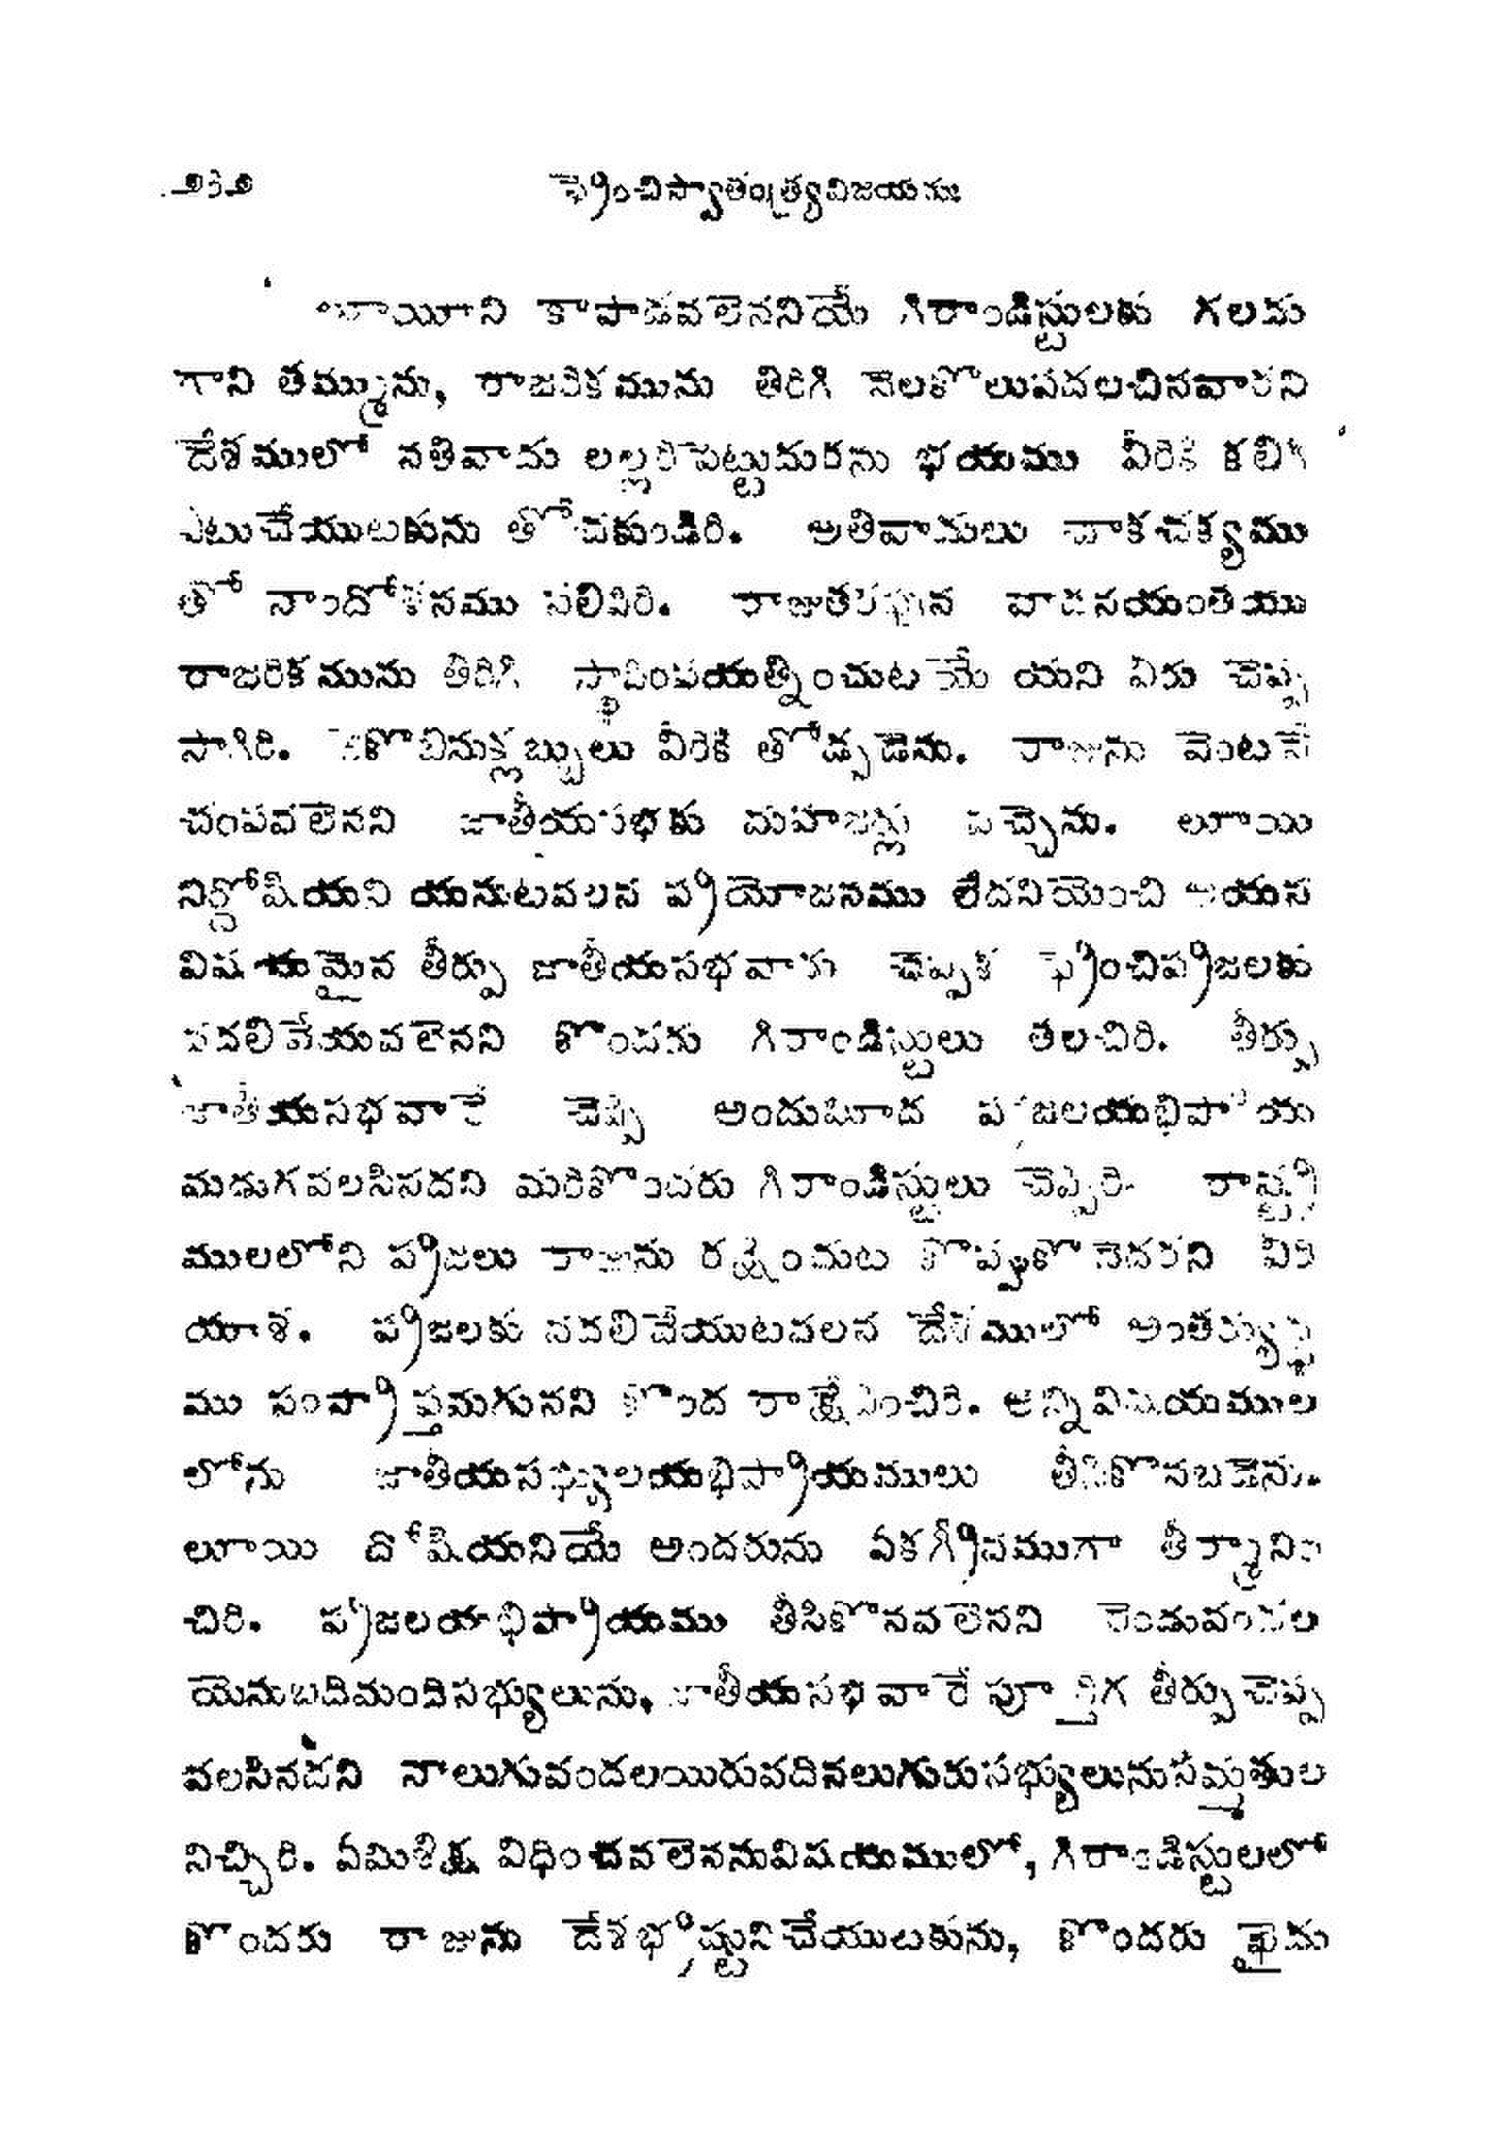లూయీని కాపాడవలెననియే గిరాండిస్టులకు గలదు
గాని తమ్మును, రాజరకమును తిరిగి నెలకొలుప దలచినవారిని
దేశములో నతివాదులల్లురులు పెట్టుదురసు భయము వీరికి కలిగి
ఎటు చేయుటకును తోచకుండిరి.అతివాదులు చాకచక్యముతో 
నాదోళనము సలిపిరి. రాజుతరపున వాదనయంతయు
రాజరికమును తిరిగి స్థాపింపయత్నించుటయే యని వీరు చెప్ప
సాగిరి. పెకోబిను క్లబ్బులు వీరికి తోడ్సడెసు. రాజును వెంటనే
చంపవలెనని జాతీయభకు మహజర్లు వచ్చెను.
నిర్గోషియని యనుటవలన ప్రయోజనము లేదని యెంచి ఆయన
విషయమైన తీర్పు జాతీయసభవారు చెప్పక ఫెంచిప్రజలకు
'పదలివేయవలెనని కొందరు గిరాండిస్టులు తలచిరి. తీర్పు
జాతీయ సభవారెచెప్పిఅందుమీద ప్రజల యభిప్రాయ
మడుగ వలసినదని మరికొందరు గిరాండిస్టులు చెప్పిరి, రాష్ట్ర
ములలోని ప్రజలు రాజును రక్షించుట కొప్పుకొనెదరని వీరి
యాశ. ప్రజలకు వదిలివేయుటవలన "దేశములో అంత
అంతర్యుద్ధము సంప్రాప్తమగునని కొంద రాక్షేపించిరి.. అన్ని 
విషతయములలోను 'జాతీయ సభ్యలయభిప్రాయము తీసు కొన బడెను.
లూయి దోషియనియే అందరును ఏకగ్రీవముగా తీర్మానించిరి.,
ప్రజల యభిప్రాయము తీసికొనవలెనని రెండు వందల యెను బదిమంది 
సభ్యులును, జాతీయసభవారే పూర్తిగ తీర్పు చెప్పువలసినదని 
నాలుగువందల యిరువదినలుగురు సభ్యులును సమ్మతుల
నిచ్చిరి. ఏమిశిక్ష విధించవలెనను విషయములో, గిరాండిస్టులలో కొందరు
రాజును దేశ భోష్టుని చేయుటకును, కొందరు కొందరు ఖైదు